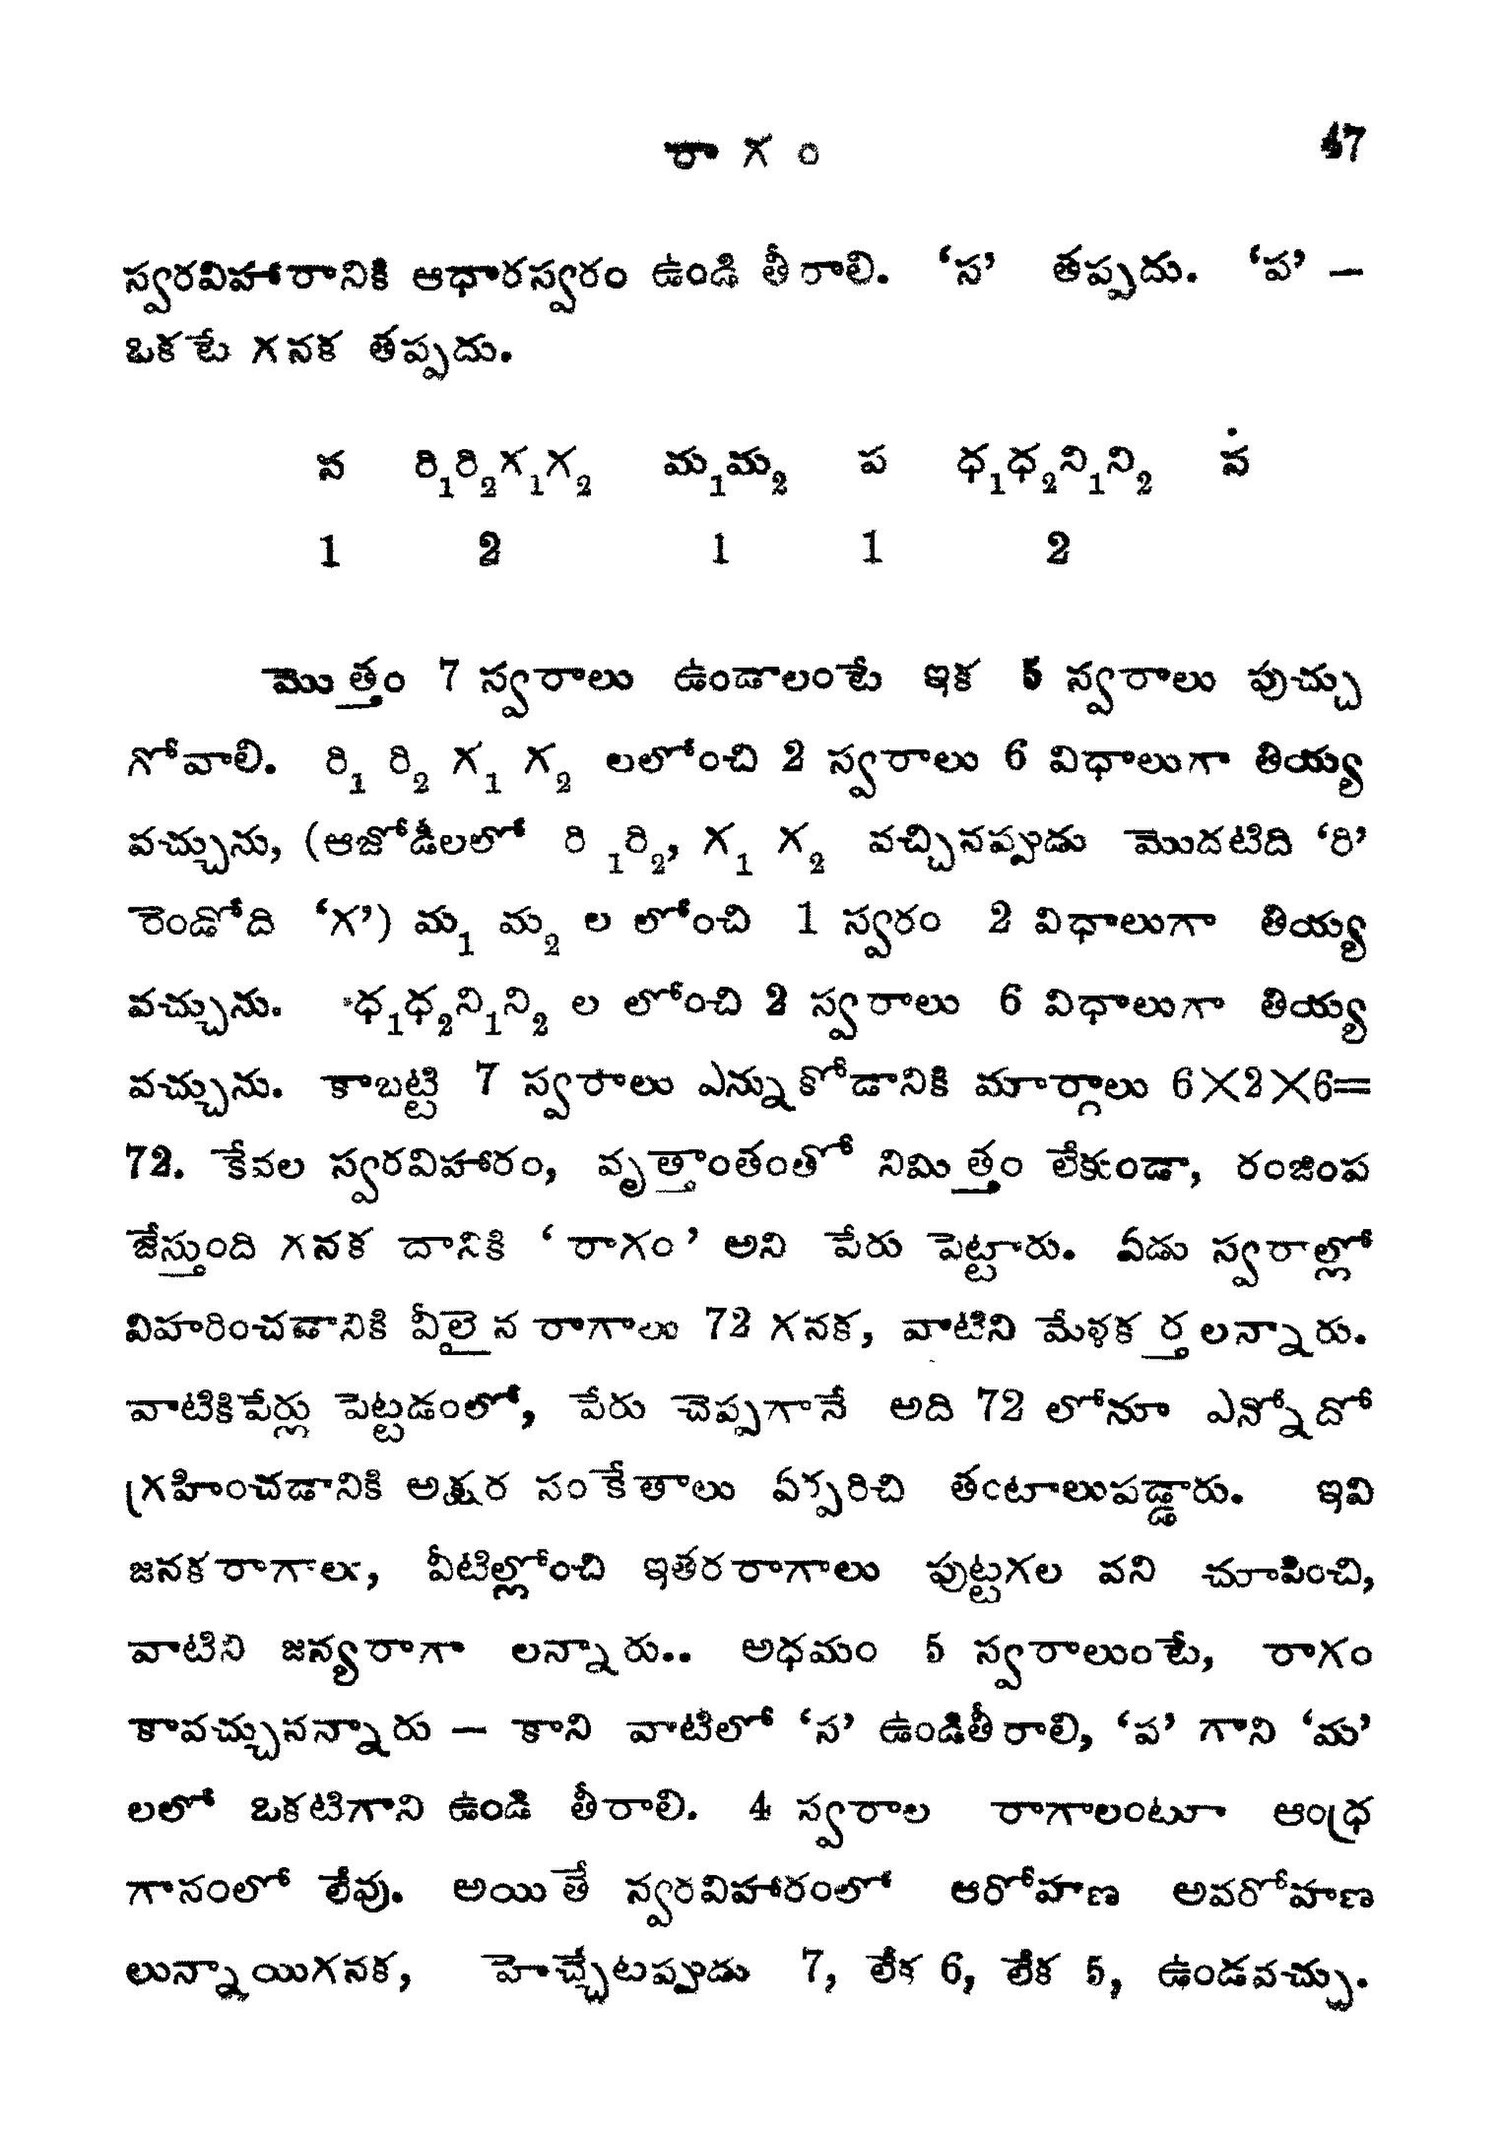స్వరవిహారానికి ఆధారస్వరం ఉండి తీరాలి. 'స' తప్పదు. 'ప' - 
ఒకటే గనక తప్పదు.

స రి1రి2గ1గ2 మ1మ2 ప ధ1ధ2ని1ని2 స

1 2 1 1 2

మొత్తం 7 స్వరాలు ఉండాలంటే ఇక 5 స్వరాలు పుచ్చు
గోవాలి. రి1 రి2 గ1 గ2 లలోంచి 2 స్వరాలు 6 విధాలుగా తియ్య
వచ్చును, (ఆజోడీలలో రి1రి2, గ1గ2 వచ్చినప్పుడు మొదటిది 'రి' 
రెండోది 'గ') మ1 మ2 ల లోంచి 1 స్వరం 2 విధాలుగా తియ్య
వచ్చును. 'ధ1ధ2ని1ని2ల లోంచి 2 స్వరాలు 6 విధాలుగా తియ్య
వచ్చును. కాబట్టి 7 స్వరాలు ఎన్నుకోడానికి మార్గాలు 6×2×6=
72. కేవల స్వరవిహారం, వృత్తాంతంతో నిమిత్తం లేకుండా, రంజింప
జేస్తుంది గనక దానికి 'రాగం' అని పేరు పెట్టారు. ఏడు స్వరాల్లో
విహరించడానికి వీలైన రాగాలు 72 గనక, వాటిని మేళకర్తలన్నారు.
వాటికిపేర్లు పెట్టడంలో, పేరు చెప్పగానే అది 72 లోనూ ఎన్నోదో
గ్రహించడానికి అక్షర సంకేతాలు ఏర్పరిచి తంటాలు పడ్డారు. ఇవి
జనకరాగాలు, వీటిల్లోంచి ఇతరరాగాలు పుట్టగల వని చూపించి,
వాటిని జన్యరాగా లన్నారు.. అధమం 5 స్వరాలుంటే, రాగం
కావచ్చునన్నారు - కాని వాటిలో 'స' ఉండితీరాలి, 'ప' గాని 'మ'
లలో ఒకటిగాని ఉండి తీరాలి. 4 స్వరాల రాగాలంటూ ఆంధ్ర
గానంలో లేవు. అయితే స్వరవిహారంలో ఆరోహణ అవరోహణ
లున్నాయిగనక, హెచ్చేటప్పుడు 7, లేక 6, లేక 5, ఉండవచ్చు.